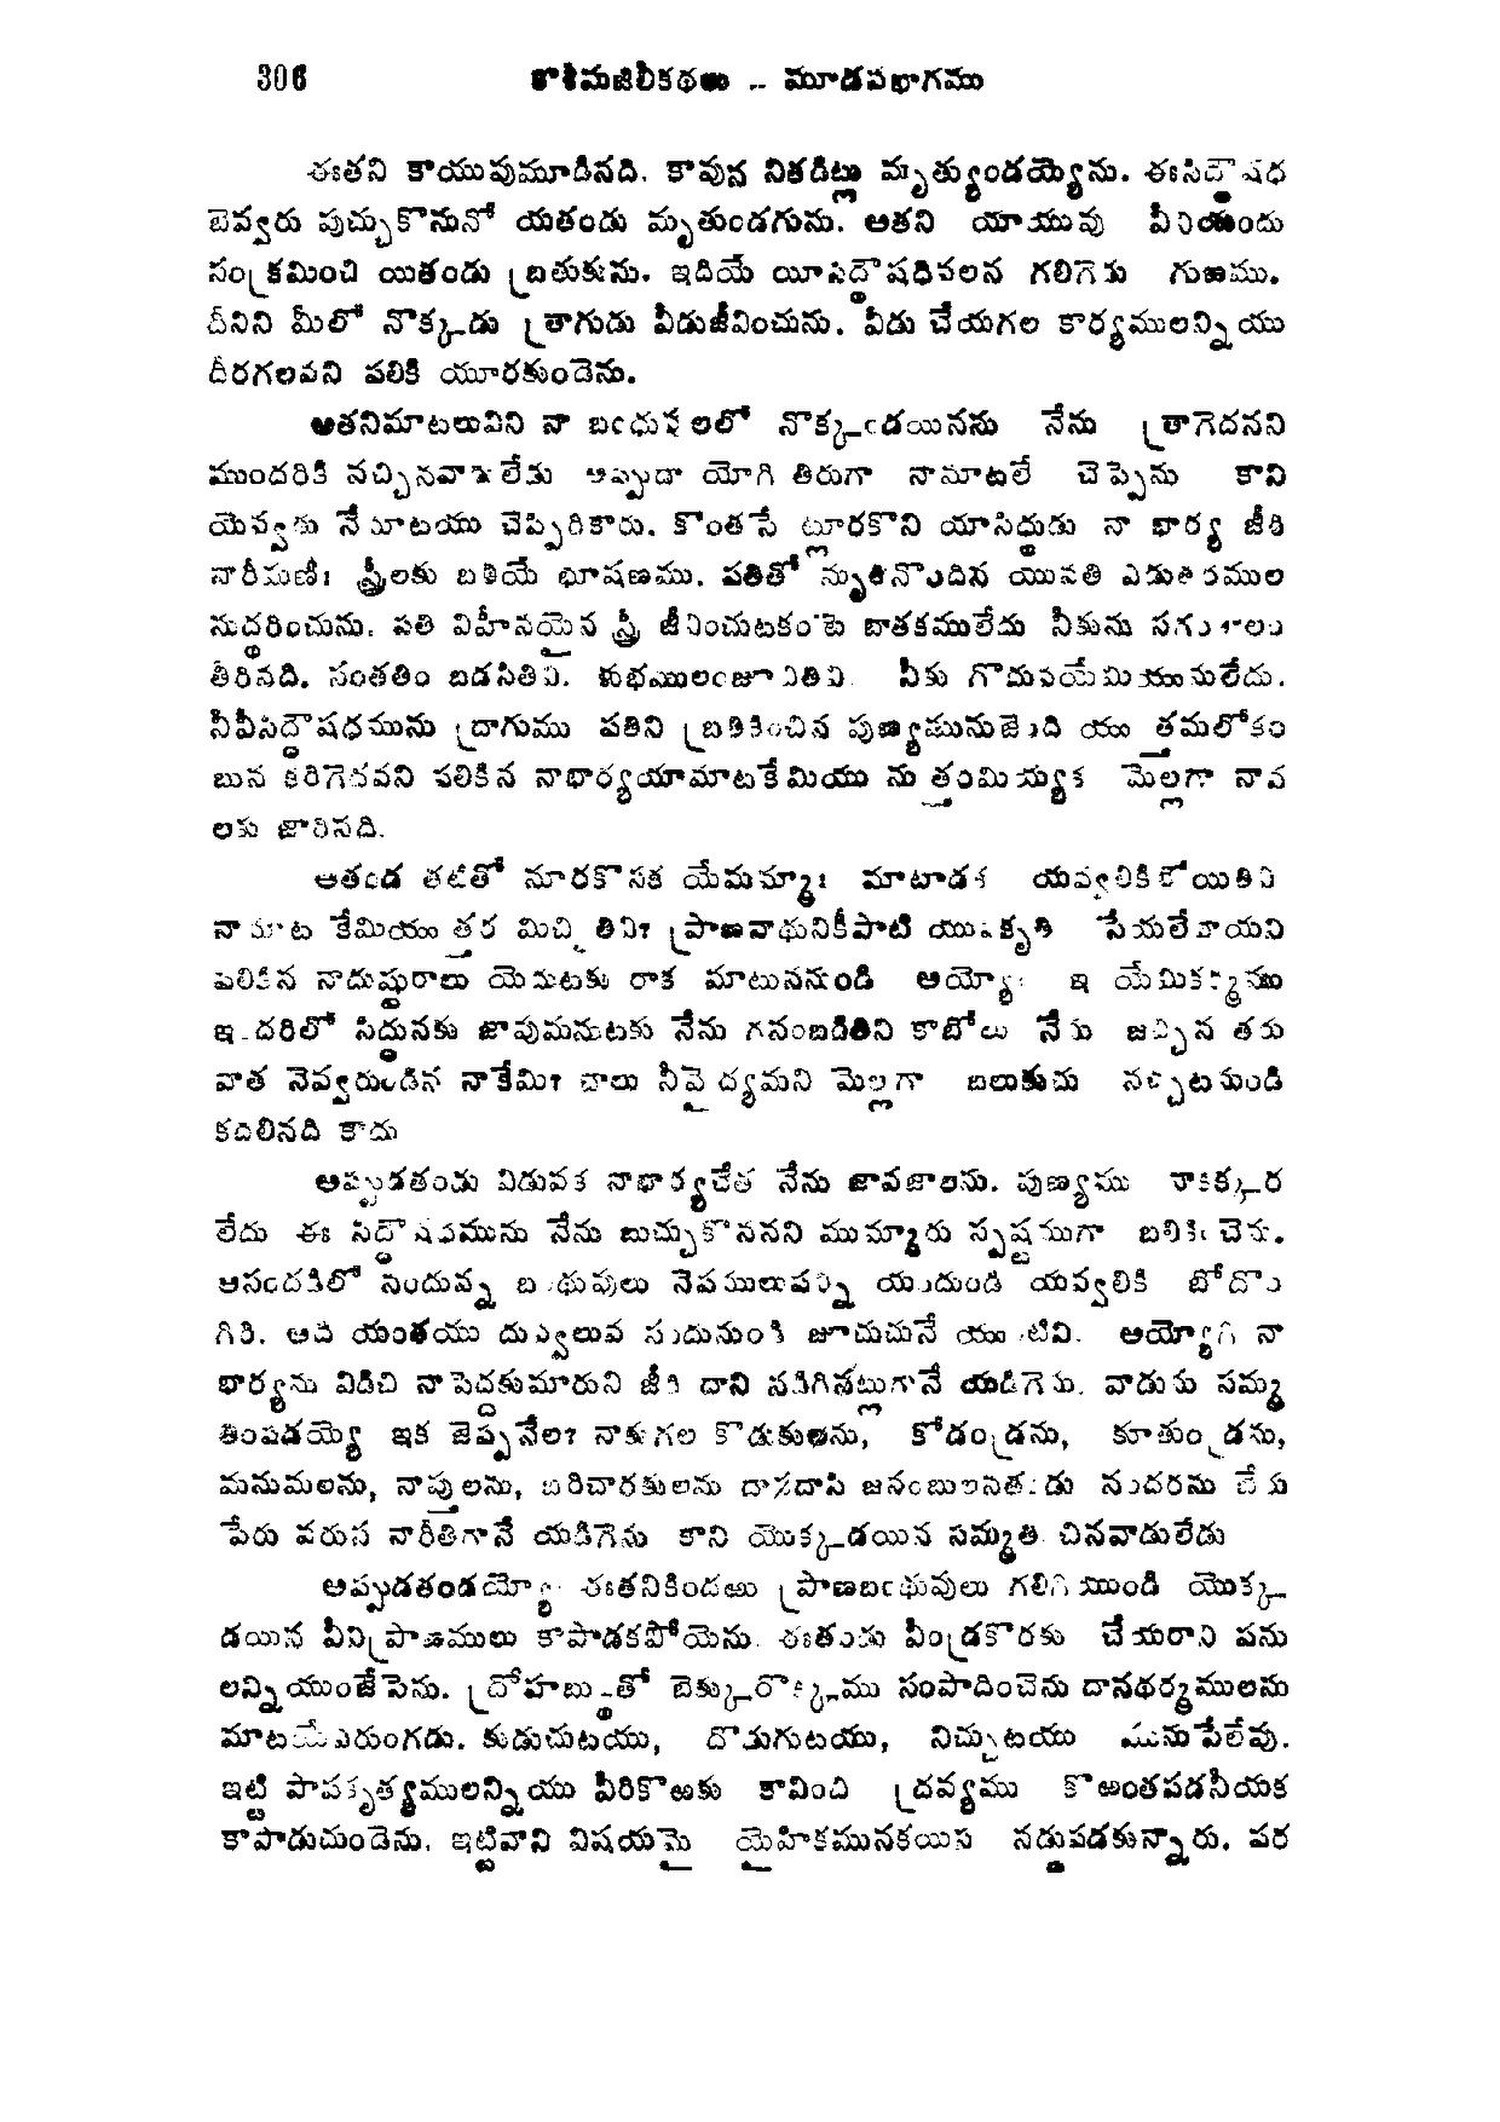ఈతని కాయువుమూడినది. కావున నితడిట్లు మృత్యుండయ్యెను. ఈసిద్దౌషధ బెవ్వరు పుచ్చుకొనునో యతండు మృతుండగును. ఆతని యాయువు వీనియందు సంక్రమించి యితండు బ్రుతుకును. ఇదియే యీసిద్దౌషధివలన గలిగెడు గుణము. దీనిని మీలో నొక్కడు త్రాగుడు వీడు జీవించును. వీడు చేయగల కార్యములన్నియు దీరగలవని పలికి యూరకుండెను.

అతనిమాటలువిని నా బంధువులలో నొక్కండయినను నేను త్రాగెదనని ముందరికి వచ్చినవాడులేడు. అప్పుడా యోగి తిరుగా నామాటలే చెప్పెను కాని యెవ్వరు నేమాటయు చెప్పిరికారు. కొంతసేప ట్లూరకొని యాసిద్దుడు నా భార్య జీరి నారీమణీ! స్త్రీలకు బతియే భూషణము. పతితో మృతినొందిన యువతి ఏడుతరముల నుద్థరించును. పతివిహీనయైన స్త్రీ జీవించుటకంటె బాతకములేదు నీకును సగంకాలం తీరినది. సంతతిం బడసితివి. శుభములంజూచితివి నీకు గొదువయేమియునులేదు. నీ వీసిద్దౌషధమును ద్రాగుము పతిని బ్రతికించిన పుణ్యమునుజెంది యుత్తమలోకంబున కరిగెదవని పలికిన నాభార్య యామాట కేమియు నుత్తరమియ్యక మెల్లగా నావలకు జారినది.

ఆతం డంతటితో నూరకొనక యేమమ్మా? మాటాడక యవ్వలికిబోయితివి నామాట కేమియుత్తర మిచ్చితివి? ప్రాణనాథుని కీపాటి యుపకృతి సేయలేవాయని పలికిన నాదుష్టురాలు యెదుటకు రాక మాటుననుండి అయ్యో ఇదియేమికర్మము ఇందరిలో సిద్ధునకు జావుమనుటకు నేను గనంబడితిని కాబోలు నేను జచ్చిన తరువాత నెవ్వరుండిన నాకేమి? చాలు నీవైద్యమని మెల్లగా బలుకుచు నచ్చటనుండి కదలినది కాదు.

అప్పు డతండు విడువక నాభార్యచేత నేను జావజాలను. పుణ్యము నాకక్కర లేదు. ఈ సిద్దౌషదమును నేను బుచ్చుకొననని ముమ్మారు స్పష్టముగా బలికించెను. ఆసందడిలో నందున్న బంధువులు నెపములుపన్ని యందుండి యవ్వలికి బోదొడంగిరి. అది యంతయు దువ్వలువ సందునుండి జూచుచునే యుంటివి. అయ్యోగి నా భార్యను విడిచి నాపెద్దకుమారుని జీరి దాని నడిగినట్లుగానే యడిగెను. వాడును సమ్మతింపడయ్యె ఇక జెప్పనేల? నాకుగల కొడుకులను, కోడండ్రను, కూతుండ్రను, మనుమలను, నాప్తులను, బరిచారకులను దాసదాసి జనంబులనతండు నందరను బేరు పేరు వరుస నారీతిగానే యడిగెను కాని యొక్కడయిన సమ్మతించినవాడులేడు

అప్పుడతండయ్యో ఈతని కిందఱు ప్రాణబంధువులు గలిగియుండి యొక్కడయిన వీనిప్రాణములు కాపాడకపోయెను. ఈతండు వీండ్రకొరకు చేయరాని పనులన్నియుంజేసెను. ద్రోహబుద్ధితో బెక్కురొక్కము సంపాదించెను దానధర్మములను మాటయే ఎరుంగడు. కుడుచుటయు, దొడుగుటయు, నిచ్చుటయు మునుపేలేవు. ఇట్టి పాపకృత్యములన్నియు వీరికొఱకు కావించి ద్రవ్యము కొఱంతపడనీయక
కాపాడుచుండెను. ఇట్టివాని విషయమై యైహికమునకయిన నడ్డుపడకున్నారు. పర